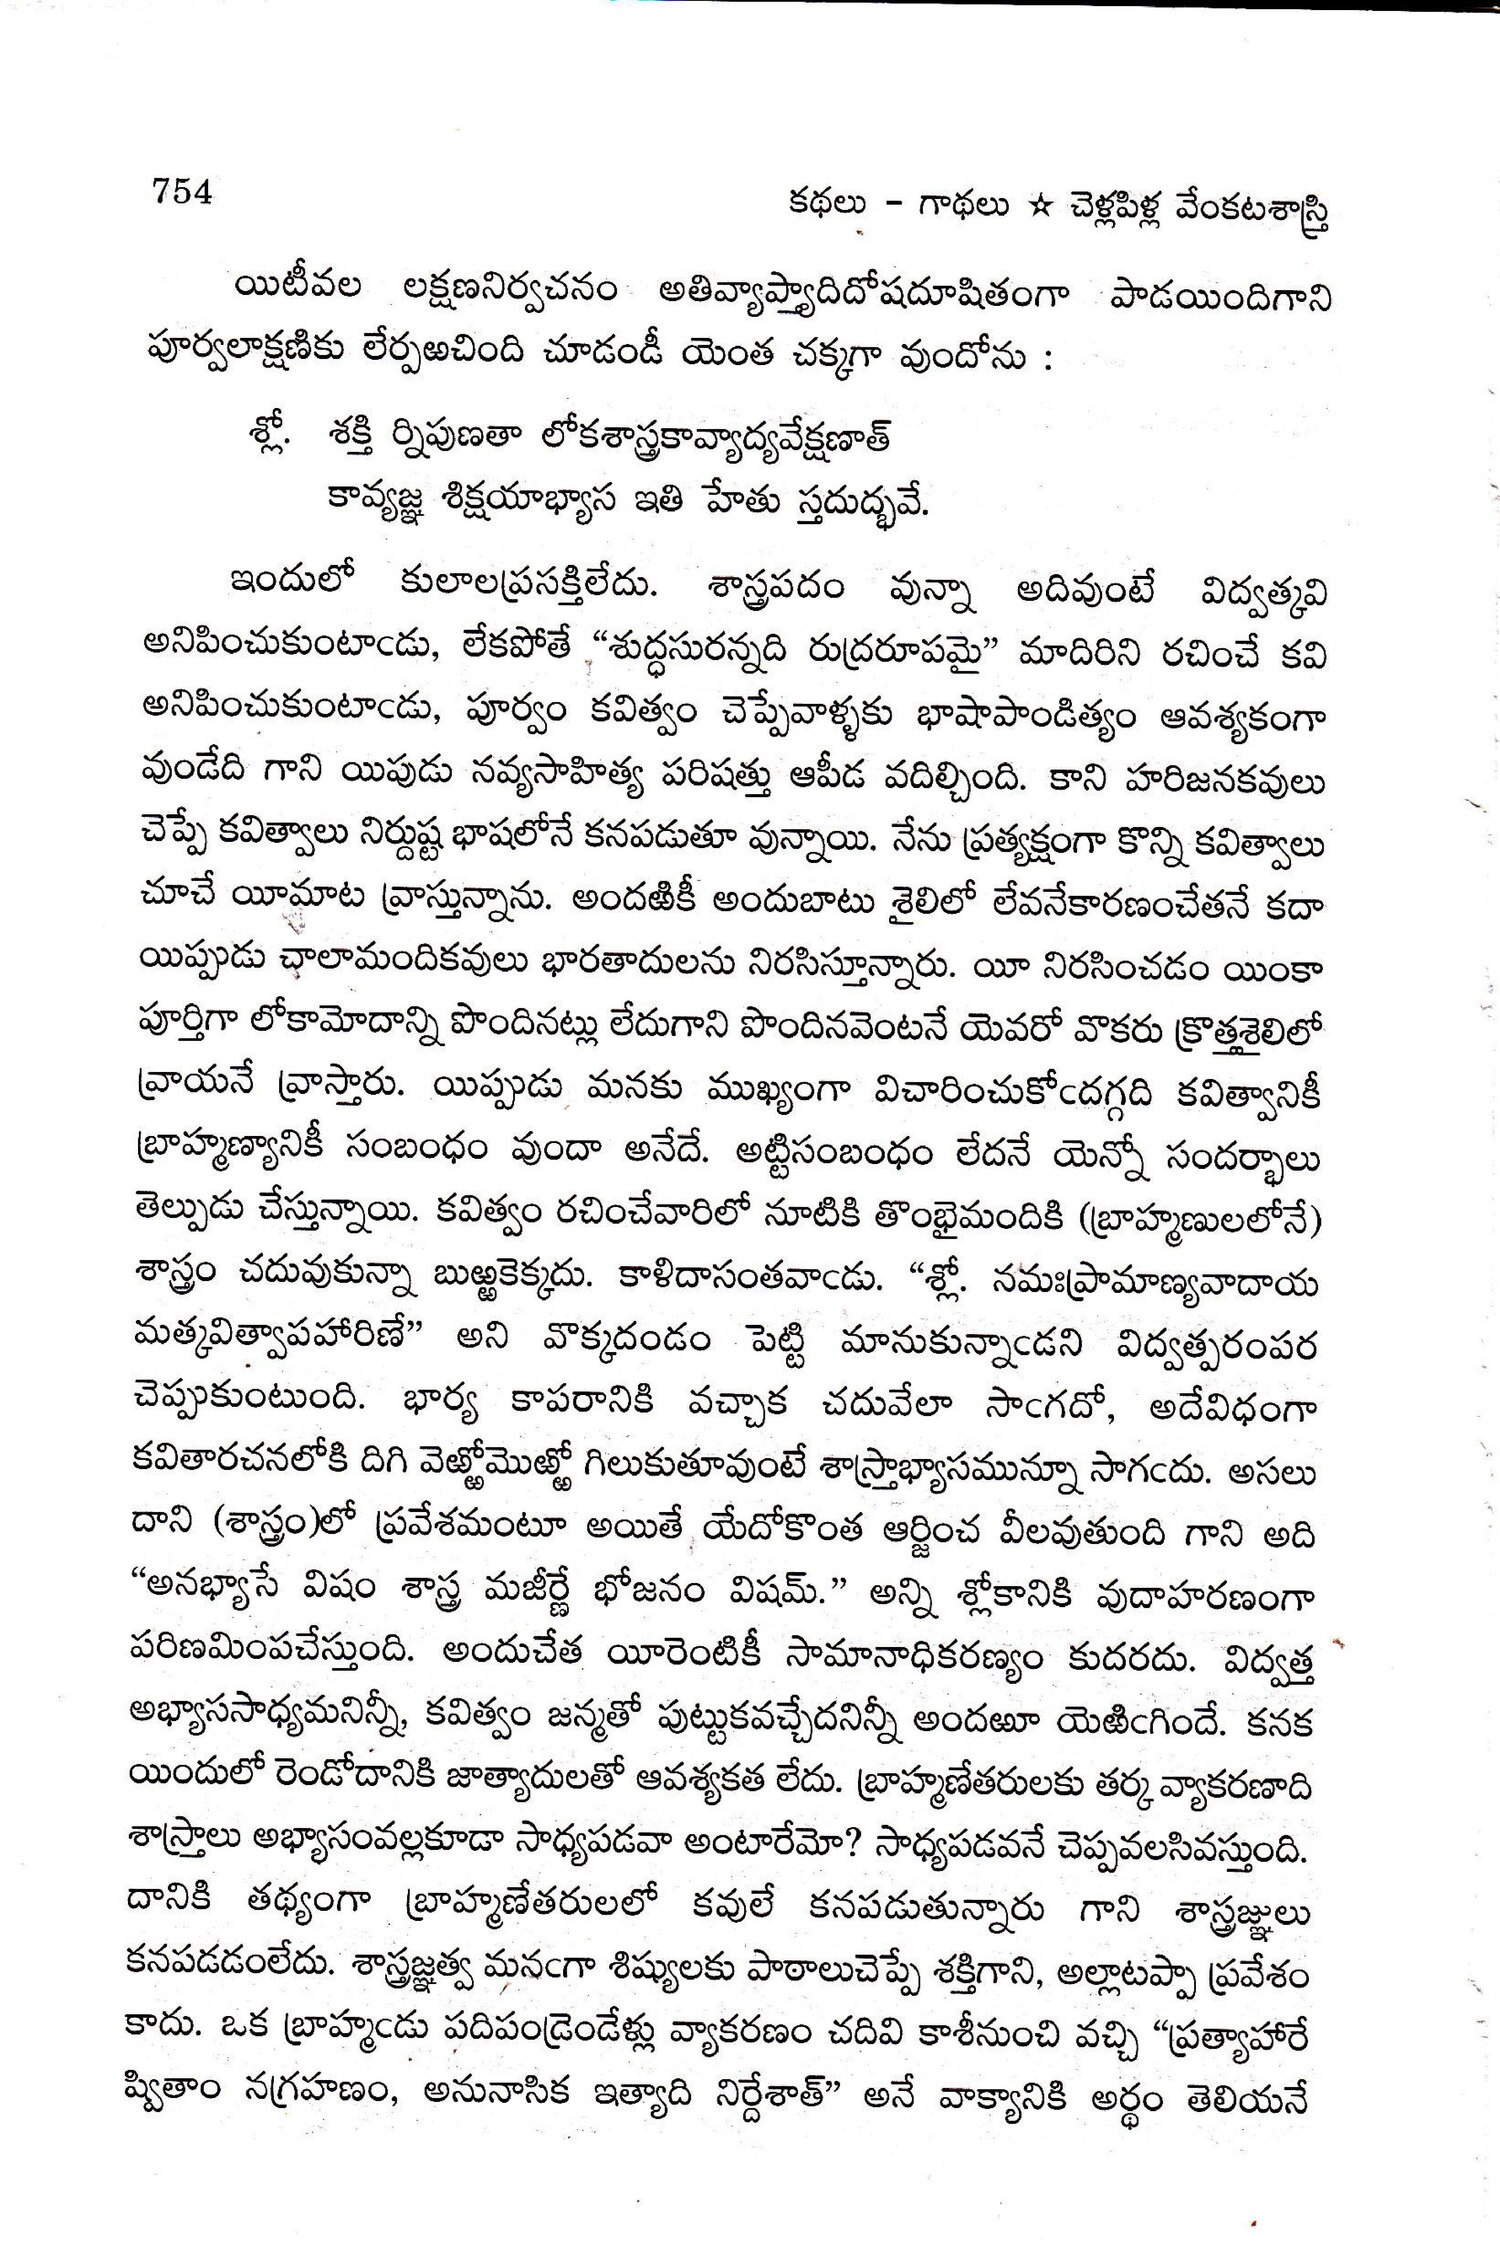యిటీవల లక్షణనిర్వచనం అతివ్యాప్త్యాదిదోషదూషితంగా పాడయిందిగాని పూర్వలాక్షణికు లేర్పఱచింది చూడండీ యెంత చక్కగా వుందోను :

శ్లో. శక్తి ర్నిపుణతా లోకశాస్త్రకావ్యాద్యవేక్షణాత్
 కావ్యజ్ఞ శిక్షయాభ్యాస ఇతి హేతు స్తదుద్భవే.
ఇందులో కులాలప్రసక్తిలేదు. శాస్త్రపదం వున్నా అదివుంటే విద్వత్కవి అనిపించుకుంటాఁడు, లేకపోతే “శుద్ధసురన్నది రుద్రరూపమై" మాదిరిని రచించే కవి అనిపించుకుంటాఁడు, పూర్వం కవిత్వం చెప్పేవాళ్ళకు భాషాపాండిత్యం ఆవశ్యకంగా వుండేది గాని యిపుడు నవ్యసాహిత్య పరిషత్తు ఆపీడ వదిల్చింది. కాని హరిజనకవులు చెప్పే కవిత్వాలు నిర్దుష్ట భాషలోనే కనపడుతూ వున్నాయి. నేను ప్రత్యక్షంగా కొన్ని కవిత్వాలు చూచే యీమాట వ్రాస్తున్నాను. అందఱికీ అందుబాటు శైలిలో లేవనేకారణంచేతనే కదా యిప్పుడు చాలామందికవులు భారతాదులను నిరసిస్తూన్నారు. యీ నిరసించడం యింకా పూర్తిగా లోకామోదాన్ని పొందినట్లు లేదుగాని పొందినవెంటనే యెవరో వొకరు క్రొత్తశైలిలో వ్రాయనే వ్రాస్తారు. యిప్పుడు మనకు ముఖ్యంగా విచారించుకోఁదగ్గది కవిత్వానికీ బ్రాహ్మణ్యానికీ సంబంధం వుందా అనేదే. అట్టిసంబంధం లేదనే యెన్నో సందర్భాలు తెల్పుడు చేస్తున్నాయి. కవిత్వం రచించేవారిలో నూటికి తొంభైమందికి (బ్రాహ్మణులలోనే) శాస్త్రం చదువుకున్నా బుఱ్ఱకెక్కదు. కాళిదాసంతవాఁడు. “శ్లో. నమఃప్రామాణ్యవాదాయ మత్కవిత్వాపహారిణే" అని వొక్కదండం పెట్టి మానుకున్నాఁడని విద్వత్పరంపర చెప్పుకుంటుంది. భార్య కాపరానికి వచ్చాక చదువేలా సాఁగదో, అదేవిధంగా కవితారచనలోకి దిగి వెఱ్ఱోమొఱ్ఱో గిలుకుతూవుంటే శాస్త్రాభ్యాసమున్నూ సాగఁదు. అసలు దాని (శాస్త్రం)లో ప్రవేశమంటూ అయితే యేదోకొంత ఆర్జించ వీలవుతుంది గాని అది “అనభ్యాసే విషం శాస్త్ర మజీర్ణే భోజనం విషమ్.” అన్ని శ్లోకానికి వుదాహరణంగా పరిణమింపచేస్తుంది. అందుచేత యీరెంటికీ సామానాధికరణ్యం కుదరదు. విద్వత్త అభ్యాససాధ్యమనిన్నీ కవిత్వం జన్మతో పట్టుకవచ్చేదనిన్నీ అందఱూ యెఱిఁగిందే. కనక యిందులో రెండోదానికి జాత్యాదులతో ఆవశ్యకత లేదు. బ్రాహ్మణేతరులకు తర్క వ్యాకరణాది శాస్త్రాలు అభ్యాసంవల్లకూడా సాధ్యపడవా అంటారేమో? సాధ్యపడవనే చెప్పవలసివస్తుంది. దానికి తథ్యంగా బ్రాహ్మణేతరులలో కవులే కనపడుతున్నారు గాని శాస్త్రజ్ఞులు కనపడడంలేదు. శాస్త్రజ్ఞత్వ మనఁగా శిష్యులకు పాఠాలుచెప్పే శక్తిగాని, అల్లాటప్పా ప్రవేశం కాదు. ఒక బ్రాహ్మఁడు పదిపండ్రెండేళ్లు వ్యాకరణం చదివి కాశీనుంచి వచ్చి “ప్రత్యాహారే ష్వితాం నగ్రహణం, అనునాసిక ఇత్యాది నిర్దేశాత్" అనే వాక్యానికి అర్థం తెలియనే